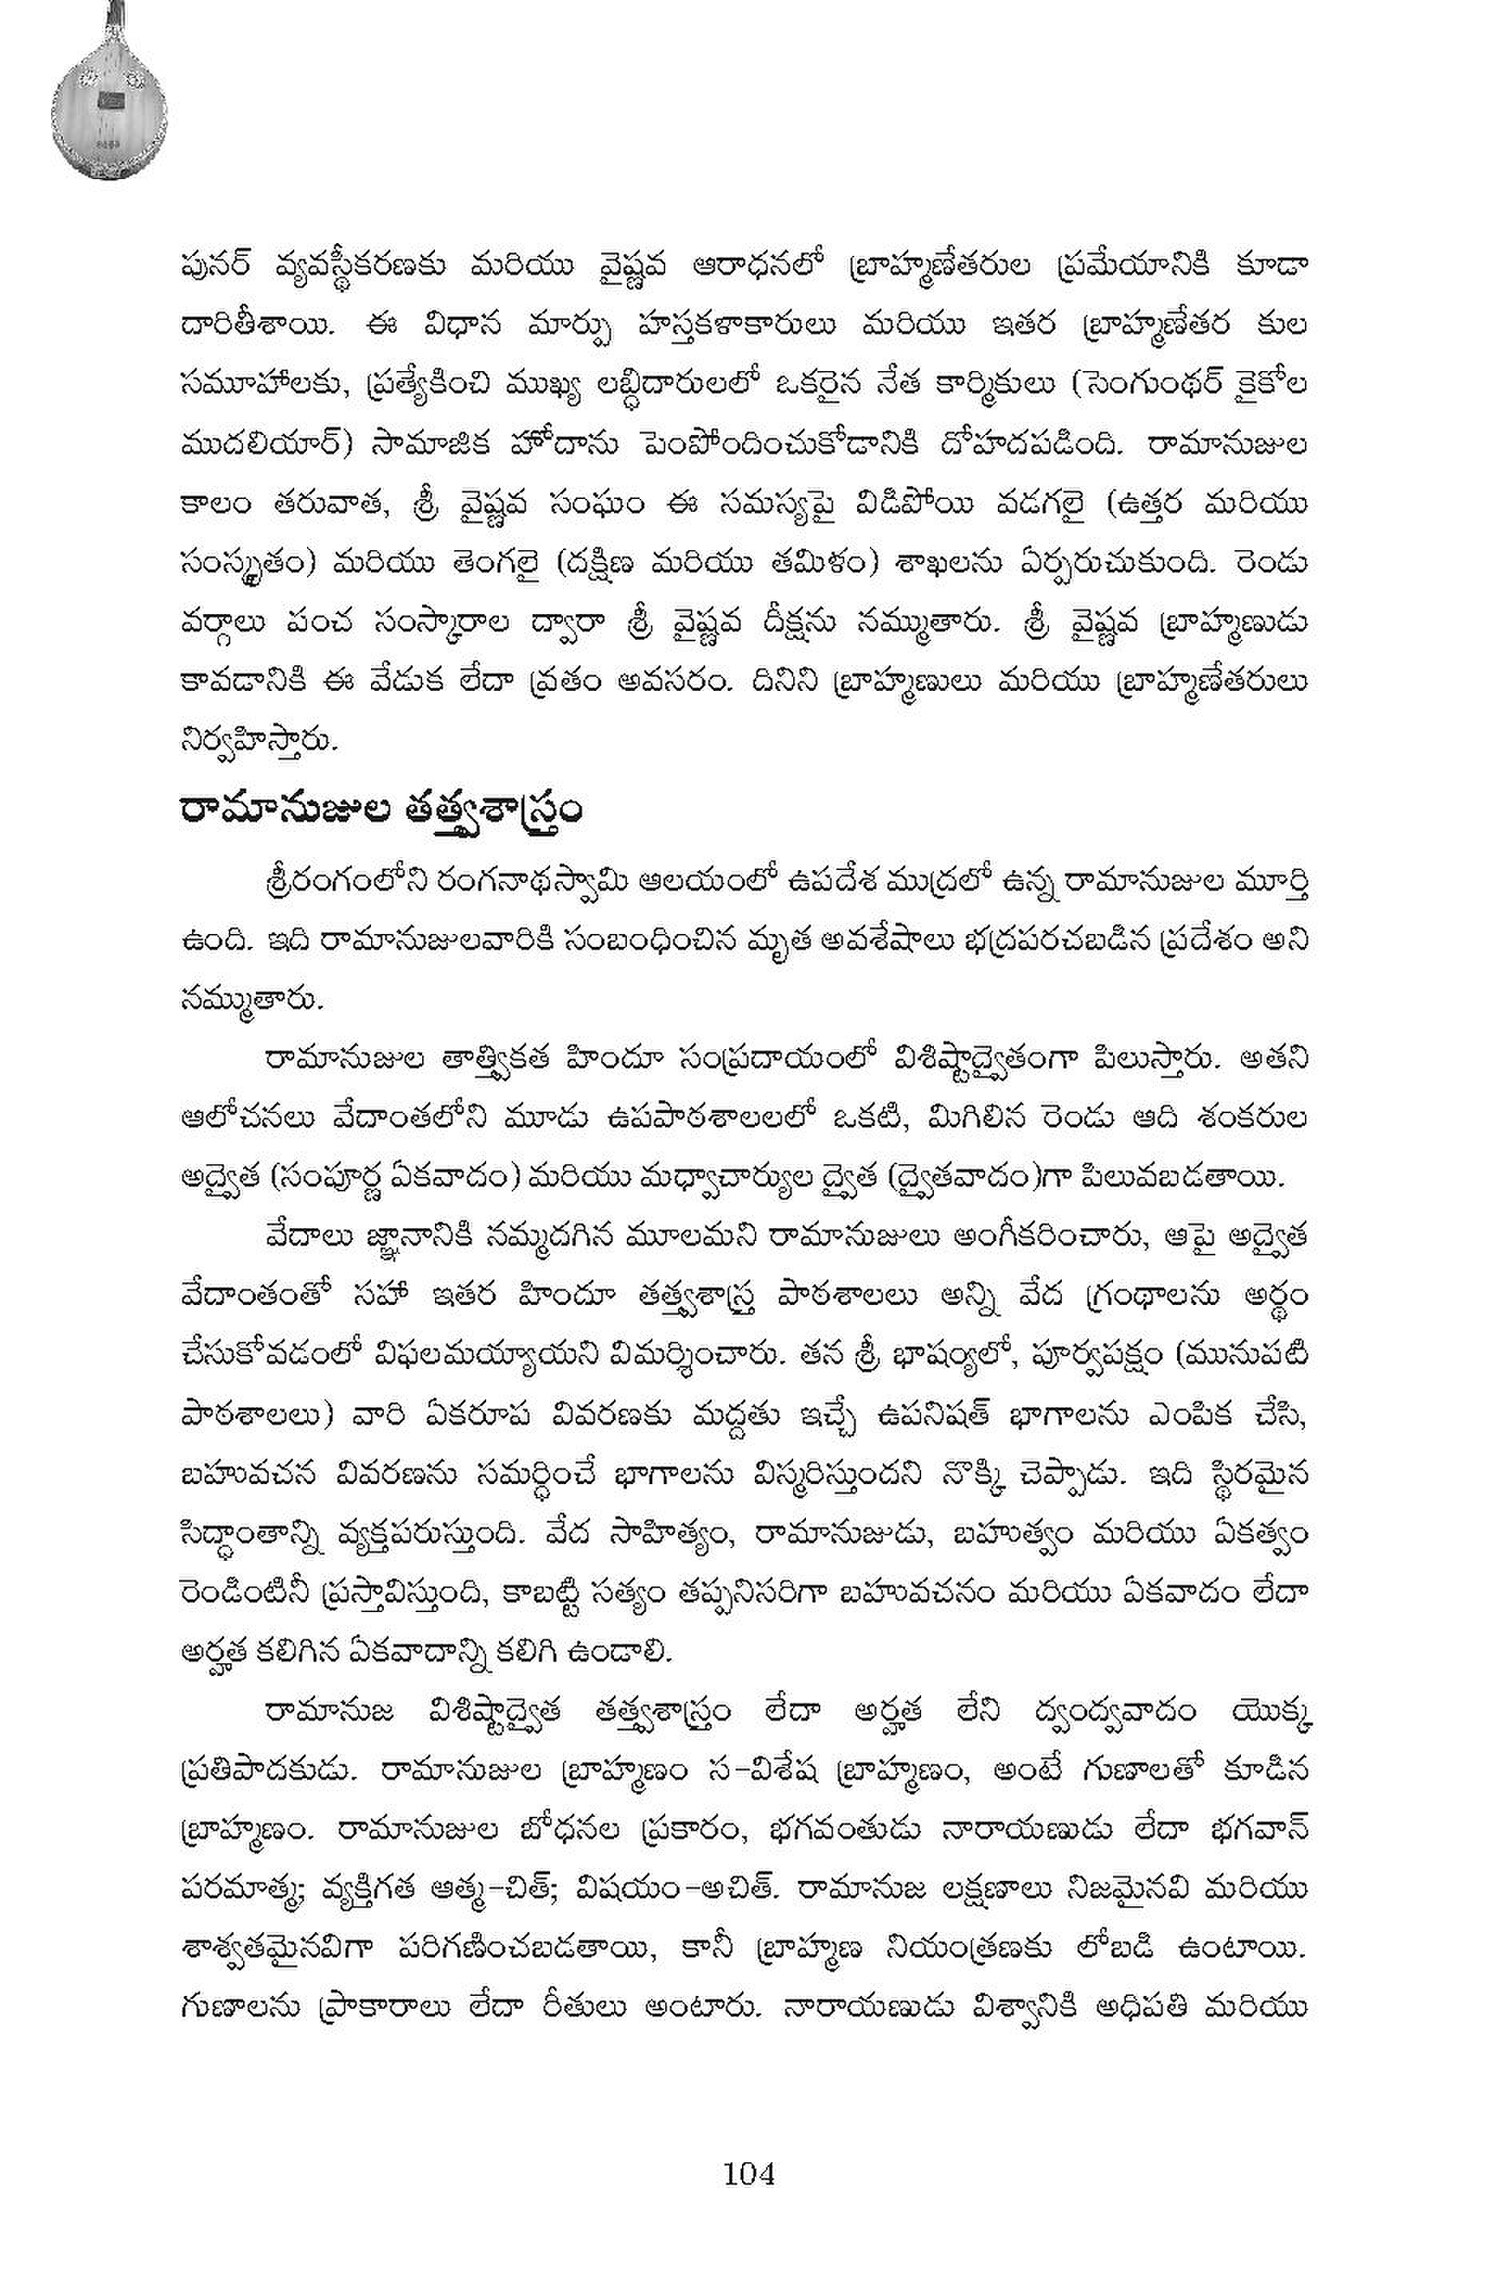పునర్ వ్యవస్థీకరణకు మరియు వైష్ణవ ఆరాధనలో బ్రాహ్మణేతరుల ప్రమేయానికి కూడా దారితీశాయి. ఈ విధాన మార్పు హస్తకళాకారులు మరియు ఇతర బ్రాహ్మణేతర కుల సమూహాలకు, ప్రత్యేకించి ముఖ్య లబ్ధిదారులలో ఒకరైన నేత కార్మికులు (సెంగుంథర్ కైకోల ముదలియార్) సామాజిక హోదాను పెంపోందించుకోడానికి దోహదపడింది. రామానుజుల కాలం తరువాత, శ్రీ వైష్ణవ సంఘం ఈ సమస్యపై విడిపోయి వడగలై (ఉత్తర మరియు సంస్కృతం) మరియు తెంగలై (దక్షిణ మరియు తమిళం) శాఖలను ఏర్పరుచుకుంది. రెండు వర్గాలు పంచ సంస్కారాల ద్వారా శ్రీ వైష్ణవ దీక్షను నమ్ముతారు. శ్రీ వైష్ణవ బ్రాహ్మణుడు కావడానికి ఈ వేడుక లేదా వ్రతం అవసరం. దీనిని బ్రాహ్మణులు మరియు బ్రాహ్మణేతరులు
నిర్వహిస్తారు.

రామానుజుల తత్త్వశాస్త్రం 

శ్రీరంగంలోని రంగనాథస్వామి ఆలయంలో ఉపదేశ ముద్రలో ఉన్న రామానుజుల మూర్తి ఉంది. ఇది రామానుజులవారికి సంబంధించిన మృత అవశేషాలు భద్రపరచబడిన ప్రదేశం అని నమ్ముతారు.

రామానుజుల తాత్త్వికత హిందూ సంప్రదాయంలో విశిష్టాద్వైతంగా పిలుస్తారు. అతని ఆలోచనలు వేదాంతలోని మూడు ఉపపాఠశాలలలో ఒకటి, మిగిలిన రెండు ఆది శంకరుల అద్వైత (సంపూర్ణ ఏకవాదం) మరియు మధ్వాచార్యుల ద్వైత (ద్వైతవాదం) గా పిలువబడతాయి.

వేదాలు జ్ఞానానికి నమ్మదగిన మూలమని రామానుజులు అంగీకరించారు, ఆపై అద్వైత వేదాంతంతో సహా ఇతర హిందూ తత్త్వశాస్త్ర పాఠశాలలు అన్ని వేద గ్రంథాలను అర్థం చేసుకోవడంలో విఫలమయ్యాయని విమర్శించారు. తన శ్రీ భాషం్యలో, పూర్వపక్షం (మునుపటి పాఠశాలలు) వారి ఏకరూప వివరణకు మద్దతు ఇచ్చే ఉపనిషత్ భాగాలను ఎంపిక చేసి, బహువచన వివరణను సమర్ధించే భాగాలను విస్మరిస్తుందని నొక్కి చెప్పాడు. ఇది స్థిరమైన సిద్ధాంతాన్ని వ్యక్తపరుస్తుంది. వేద సాహిత్యం, రామానుజుడు, బహుత్వం మరియు ఏకత్వం రెండింటినీ ప్రస్తావిస్తుంది, కాబట్టి సత్యం తప్పనిసరిగా బహువచనం మరియు ఏకవాదం లేదా అర్హత కలిగిన ఏకవాదాన్ని కలిగి ఉండాలి.

రామానుజ విశిష్టాద్వైత తత్త్వశాస్త్రం లేదా అర్హత లేని ద్వంద్వవాదం యొక్క ప్రతిపాదకుడు. రామానుజుల బ్రాహ్మణం స-విశేష బ్రాహ్మణం, అంటే గుణాలతో కూడిన బ్రాహ్మణం. రామానుజుల బోధనల ప్రకారం, భగవంతుడు నారాయణుడు లేదా భగవాన్ పరమాత్మ; వ్యక్తిగత ఆత్మ-చిత్; విషయం-అచిత్. రామానుజ లక్షణాలు నిజమైనవి మరియు శాశ్వతమైనవిగా పరిగణించబడతాయి, కానీ బ్రాహ్మణ నియంత్రణకు లోబడి ఉంటాయి. గుణాలను ప్రాకారాలు లేదా రీతులు అంటారు. నారాయణుడు విశ్వానికి అధిపతి మరియు